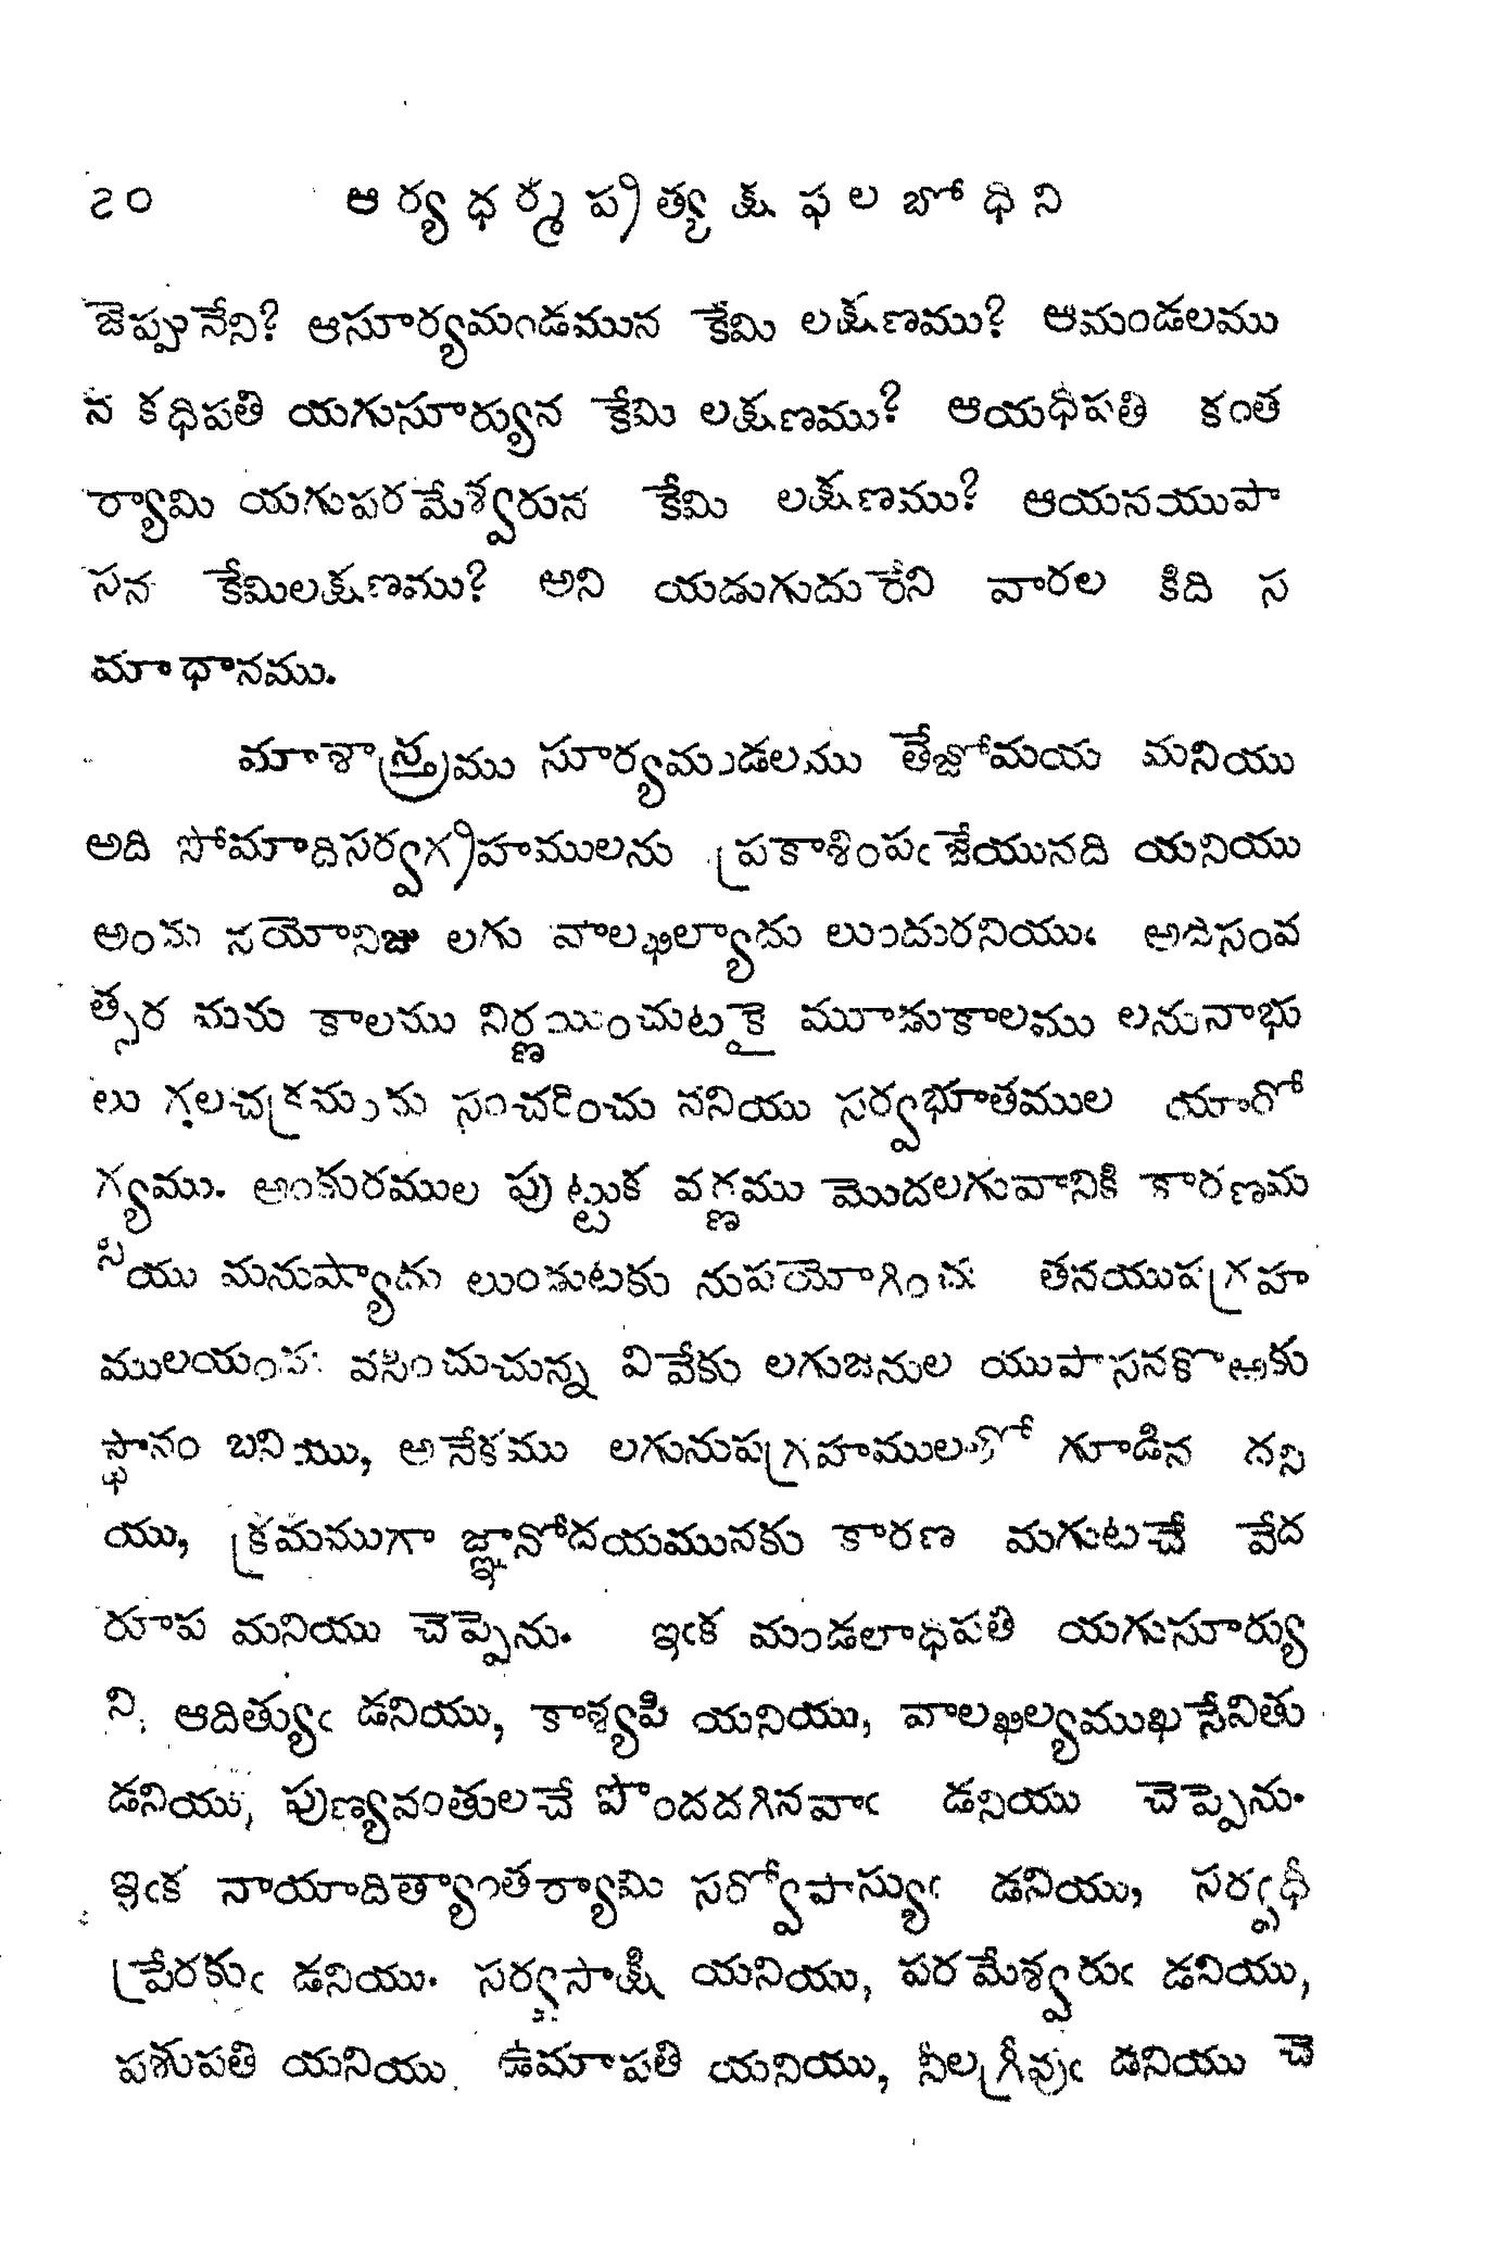జెప్పునేని? ఆసూర్యమండమున కేమి లక్షణము? ఆమండలమున కధిపతి యగుసూర్యున కేమి లక్షణము? ఆయధిపతి కంతర్యామి యగుపరమేశ్వరున కేమి లక్షణము? ఆయనయుపాసన కేమిలక్షణము? అని యడుగుదురేని వారల కిది సమాధానము.

మాశాస్త్రము సూర్యమండలము తేజోమయ మనియు అది సోమాదిసర్వగ్రహములను ప్రకాశింపఁజేయునది యనియు అందు నయోనిజు లగు వాలఖిల్యాదు లుందురనియుఁ అదిసంవత్సర మను కాలము నిర్ణయించుటకై మూడుకాలము లనునాభులు గలచక్రమందు సంచరించు ననియు సర్వభూతముల యారోగ్యము. అంకురముల పుట్టుక వర్ణము మొదలగువానికి కారణమనియు మనుష్యాదు లుండుటకు నుపయోగించు తనయుపగ్రహములయందు వసించుచున్న వివేకు లగుజనుల యుపాసనకొఱకు స్థానం బనియు, అనేకము లగునుపగ్రహములతో గూడిన దనియు, క్రమముగా జ్ఞానోదయమునకు కారణ మగుటచే వేదరూప మనియు చెప్పెను. ఇఁక మండలాధిపతి యగుసూర్యుని, ఆదిత్యుఁ డనియు, కాశ్యపి యనియు, వాలఖిల్యముఖసేవితు
డనియు, పుణ్యవంతులచే పొందదగినవాఁ డనియు చెప్పెను. ఇఁక నాయాదిత్యాంతర్యామి సర్వోపాస్యు డనియు, సర్వధీ ప్రేరకుఁ డనియు. సర్వసాక్షి యనియు, పరమేశ్వరుఁ డనియు, పశుపతి యనియు, ఉమాపతి యనియు, నీలగ్రీవుఁ డనియు చె